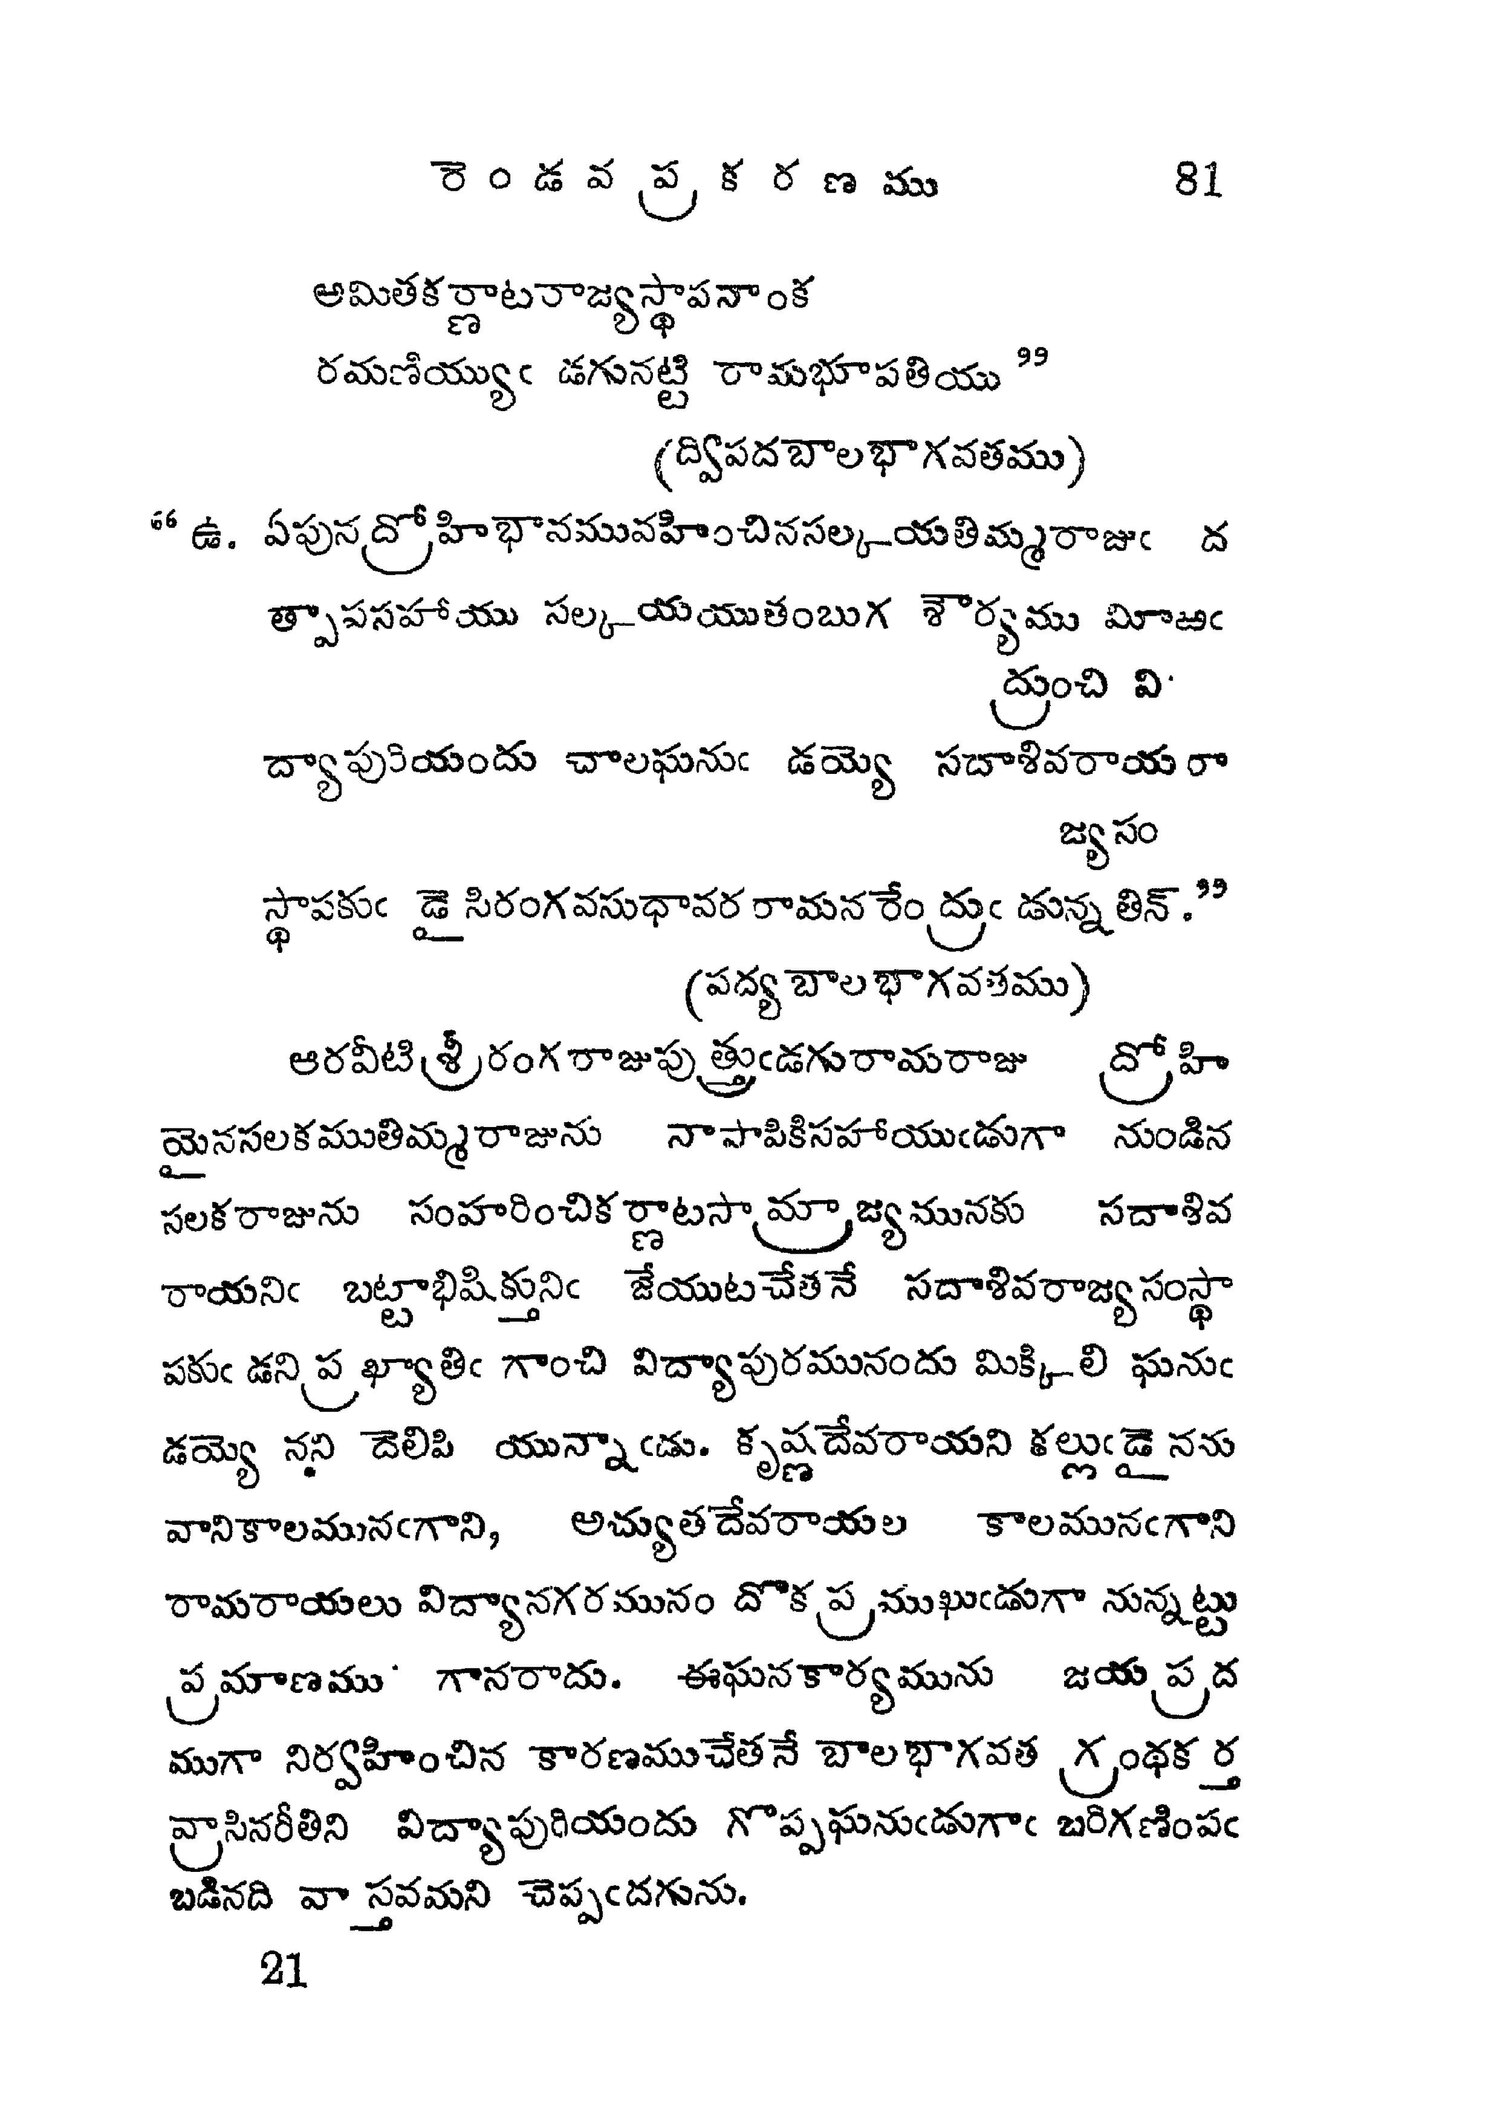అమితకర్ణాటరాజ్యస్థాపనాంక
 రమణియ్యు డగునట్టి రామభూపతియు"
 (ద్విపదబాలభాగవతము)

 "ఉ. ఏపునద్రోహిభావమువహించినసల్కయతిమ్మరాజు ద
 త్పాపసహాయు సల్కయయుతంబుగ శౌర్యము మీఱద్రుంచి వి
 ద్యాపురియందు చాలఘను డయ్యె సదాశివరాయ రాజ్య సం
 స్థాపకు డైసిరంగవసుధావర రామనరేంద్రు డున్నతిన్."
 (పద్యబాలభాగవతము)

ఆరవీటి శ్రీరంగరాజుపుత్త్రుడగురామరాజు ద్రోహియైన సలకముతిమ్మరాజును నాపాపికిసహాయుడుగా నుండిన సలకరాజును సంహరించికర్ణాటసామ్రాజ్యమునకు సదాశివరాయని బట్టాభిషిక్తుని జేయుటచేతనే సదాశివరాజ్యసంస్థాపకు డనిప్రఖ్యాతి గాంచి విద్యాపురమునందు మిక్కిలి ఘనుడయ్యె నని దెలిపి యున్నాడు. కృష్ణదేవరాయని కల్లుడైనను వానికాలమునగాని, అచ్యుతదేవరాయల కాలమునగాని రామరాయలు విద్యానగరమునం దొకప్రముఖుడుగా నున్నట్టు ప్రమాణము గానరాదు. ఈఘనకార్యమును జయప్రదముగా నిర్వహించిన కారణముచేతనే బాలభాగవత గ్రంథకర్త వ్రాసినరీతిని విద్యాపురియందు గొప్పఘనుడుగా బరిగణింపబడినది వాస్తవమని చెప్పదగును.